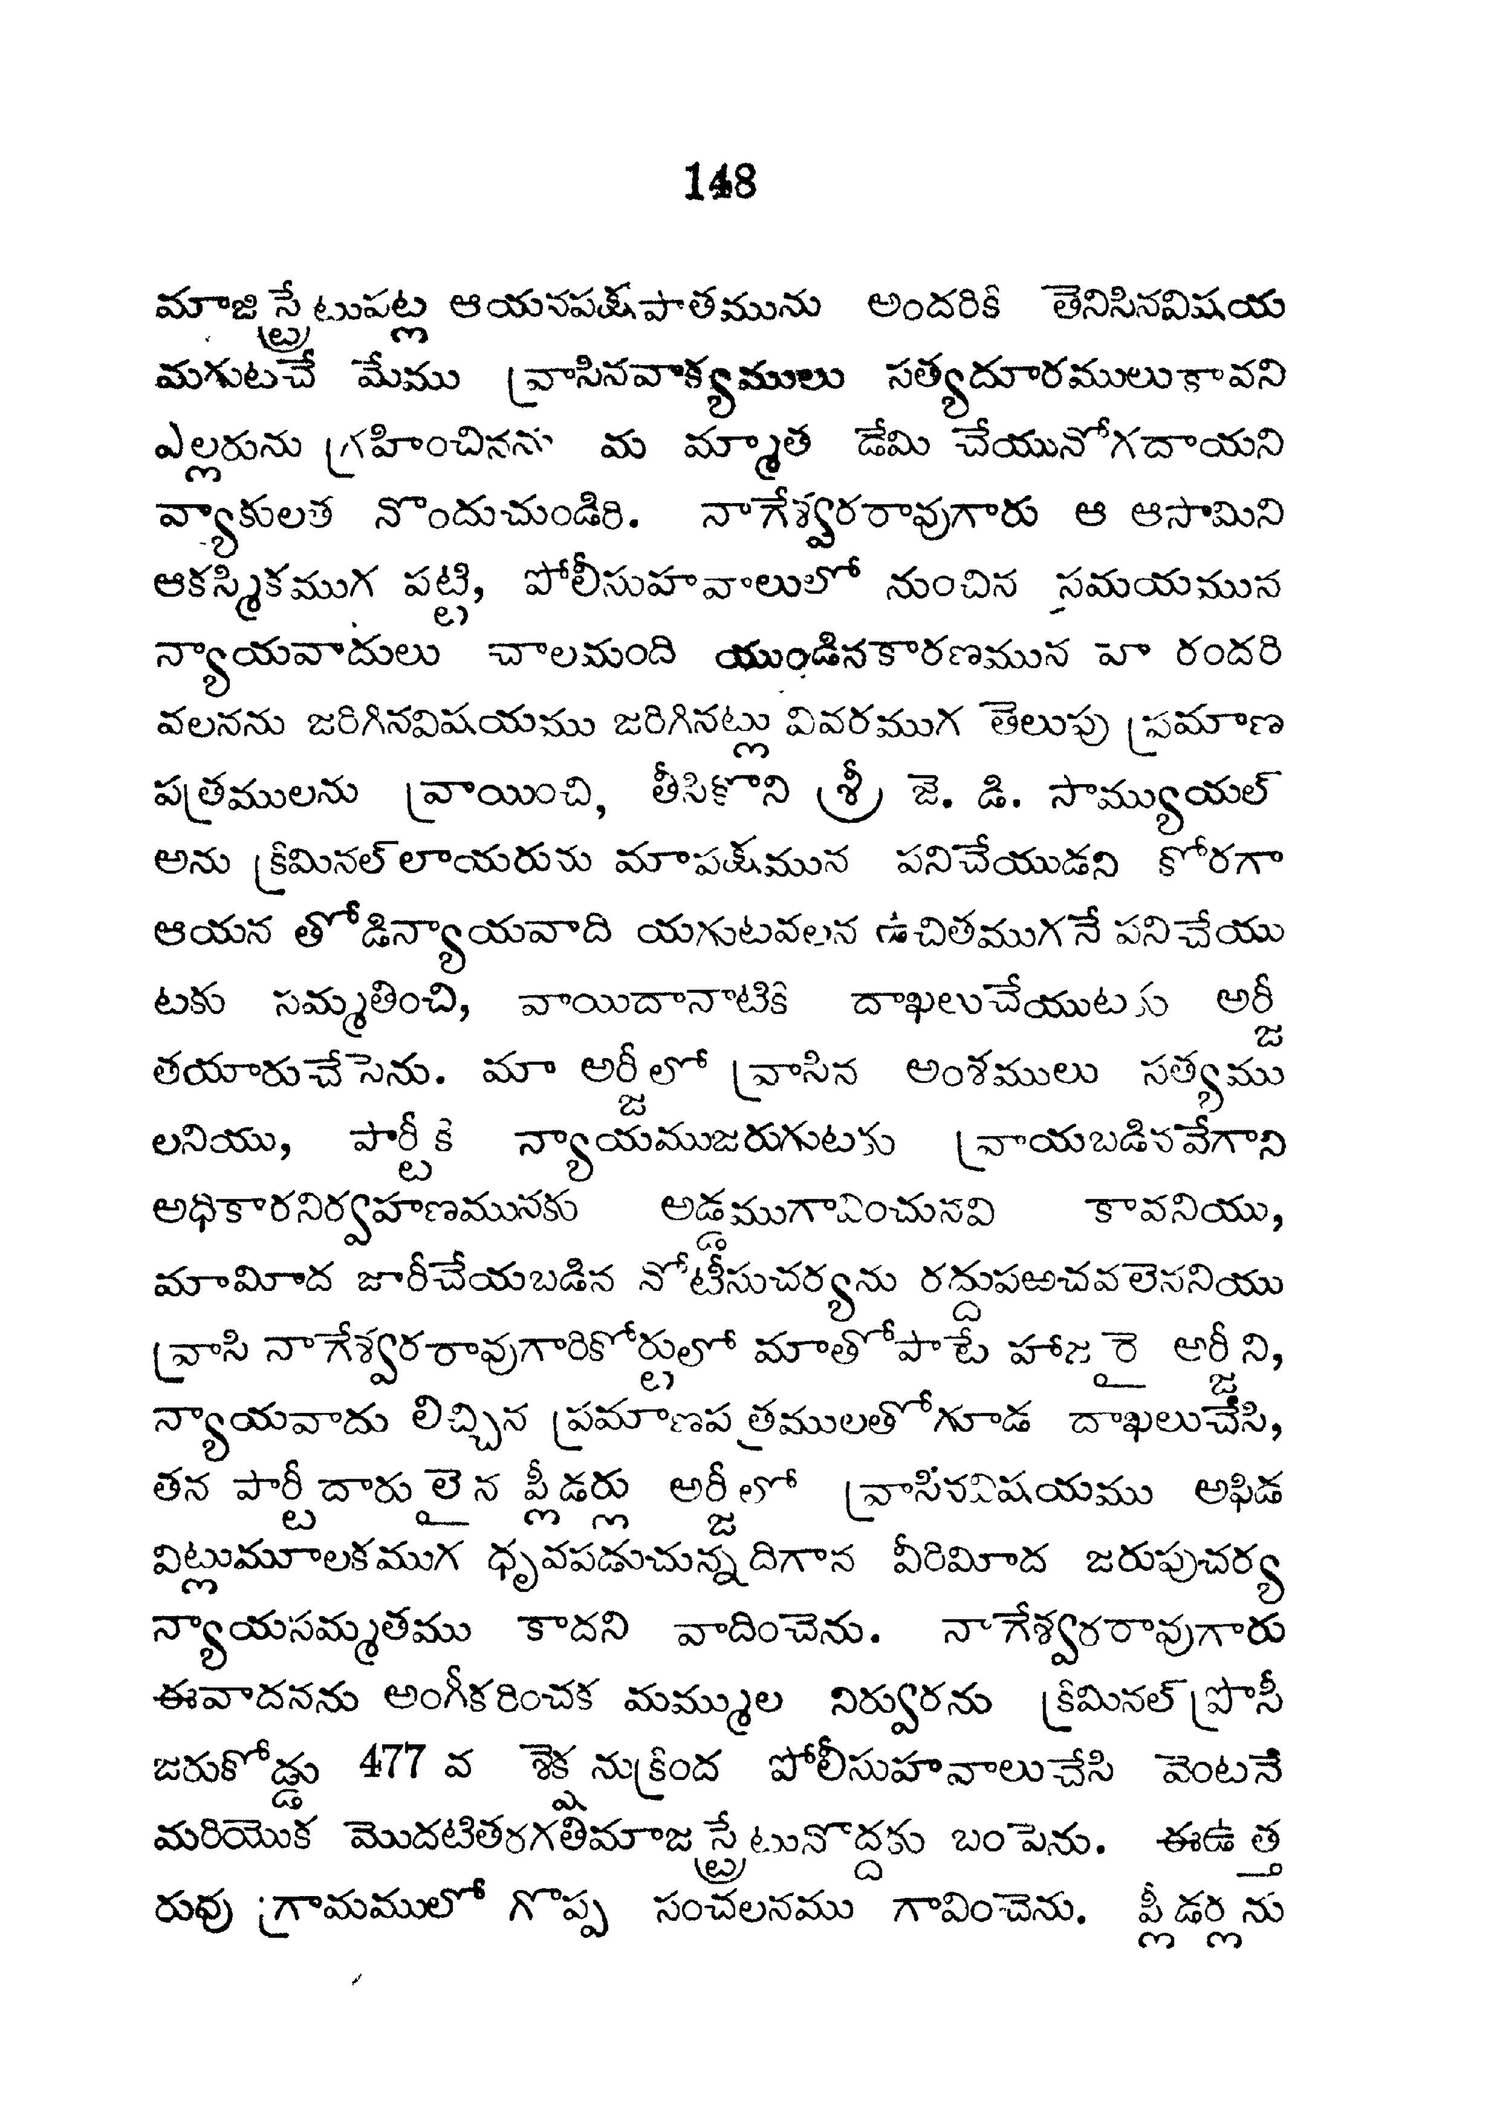మాజిస్ట్రేటుపట్ల ఆయనపక్షపాతమును అందరికి తెలిసినవిషయమగుటచే మేము వ్రాసినవాక్యములు సత్యదూరములుకావని ఎల్లరును గ్రహించినను మమ్మాత డేమి చేయునోగదాయని వ్యాకులత నొందుచుండిరి. నాగేశ్వరరావుగారు ఆ ఆసామిని ఆకస్మికముగ పట్టి, పోలీసుహవాలులో నుంచిన సమయమున న్యాయవాదులు చాలమంది యుండినకారణమున వా రందరి వలనను జరిగినవిషయము జరిగినట్లు వివరముగ తెలుపు ప్రమాణ పత్రములను వ్రాయించి, తీసికొని శ్రీ జె. డి. సామ్యుయల్ అను క్రిమినల్‌లాయరును మాపక్షమున పనిచేయుడని కోరగా ఆయన తోడిన్యాయవాది యగుటవలన ఉచితముగనే పనిచేయుటకు సమ్మతించి, వాయిదానాటికి దాఖలుచేయుటకు అర్జీ తయారుచేసెను. మా అర్జీలో వ్రాసిన అంశములు సత్యములనియు, పార్టీకి న్యాయముజరుగుటకు వ్రాయబడినవేగాని అధికారనిర్వహణమునకు అడ్డముగావించునవి కావనియు, మామీద జారీచేయబడిన నోటీసుచర్యను రద్దుపఱచవలెననియు వ్రాసి నాగేశ్వరరావుగారికోర్టులో మాతోపాటే హాజరై అర్జీని,న్యాయవాదు లిచ్చిన ప్రమాణపత్రములతోగూడ దాఖలుచేసి, తన పార్టీదారులైన ప్లీడర్లు అర్జీలో వ్రాసినవిషయము అఫిడవిట్లుమూలకముగ దృవపడుచున్నదిగాన వీరిమీద జరుపుచర్య న్యాయసమ్మతము కాదని వాదించెను. నాగేశ్వరరావుగారు ఈవాదనను అంగీకరించక మమ్ముల నిర్వురను క్రిమినల్ ప్రొసీజరుకోడ్డు 477 వ సెక్‌షనుక్రింద పోలీసుహవాలుచేసి వెంటనే మరియొక మొదటితరగతి మాజస్ట్రేటునొద్దకు బంపెను. ఈఉత్తరువు గ్రామములో గొప్ప సంచలనము గావించెను. ప్లీడర్లను